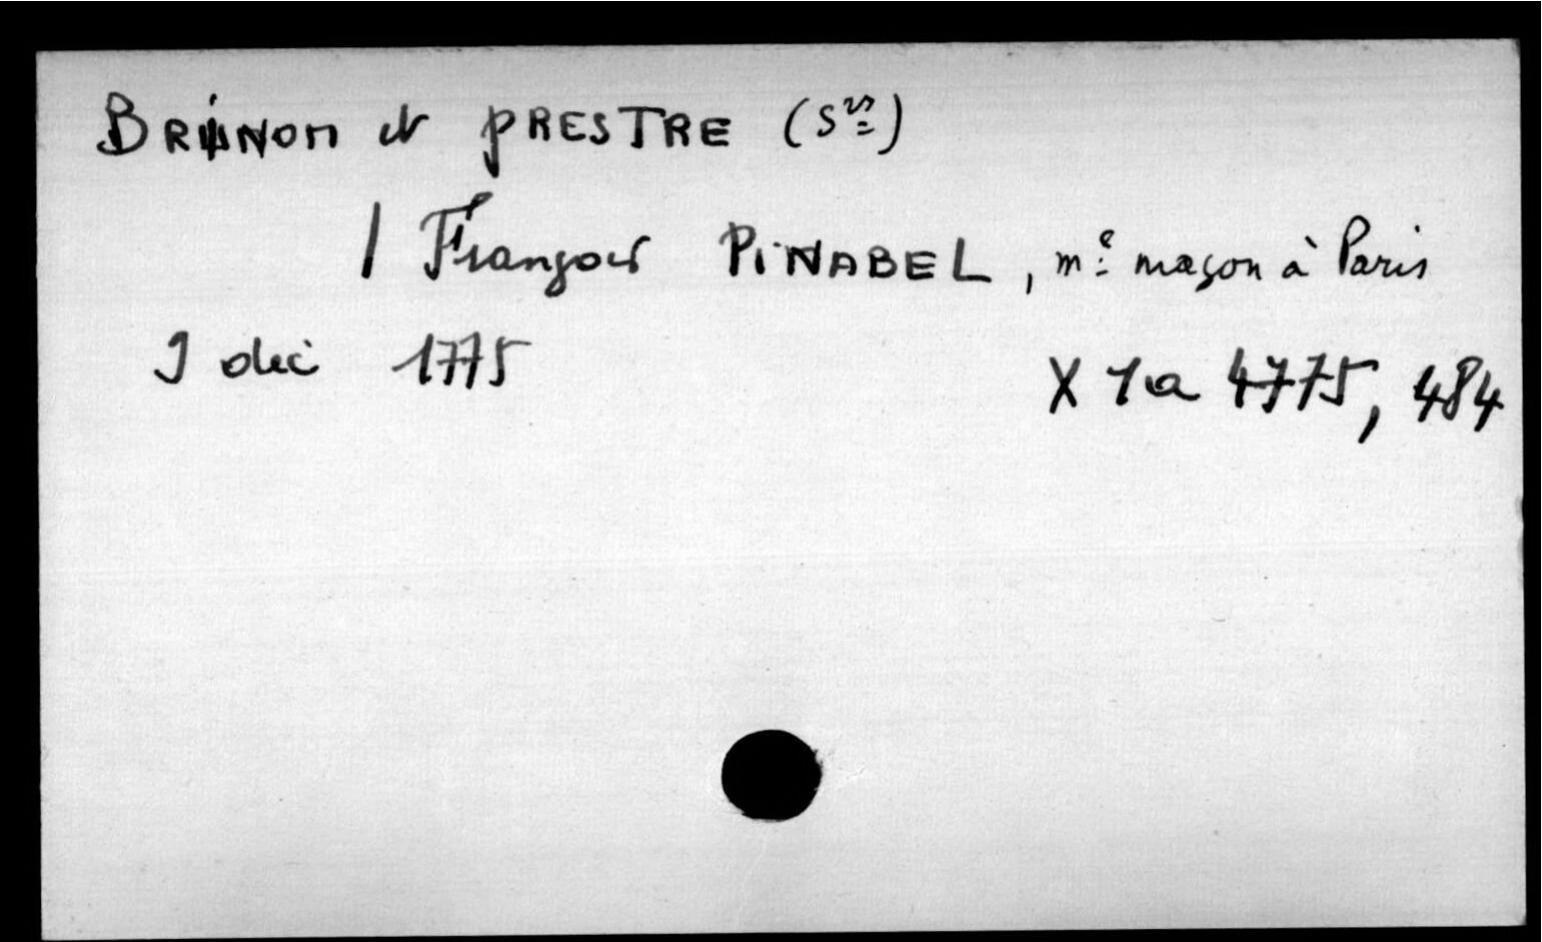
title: BRINON et PRESTRE (Sieurs)
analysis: Contre François PINABEL, maître maçon à Paris
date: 3 décembre 1775
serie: X1a
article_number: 4775
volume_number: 484
